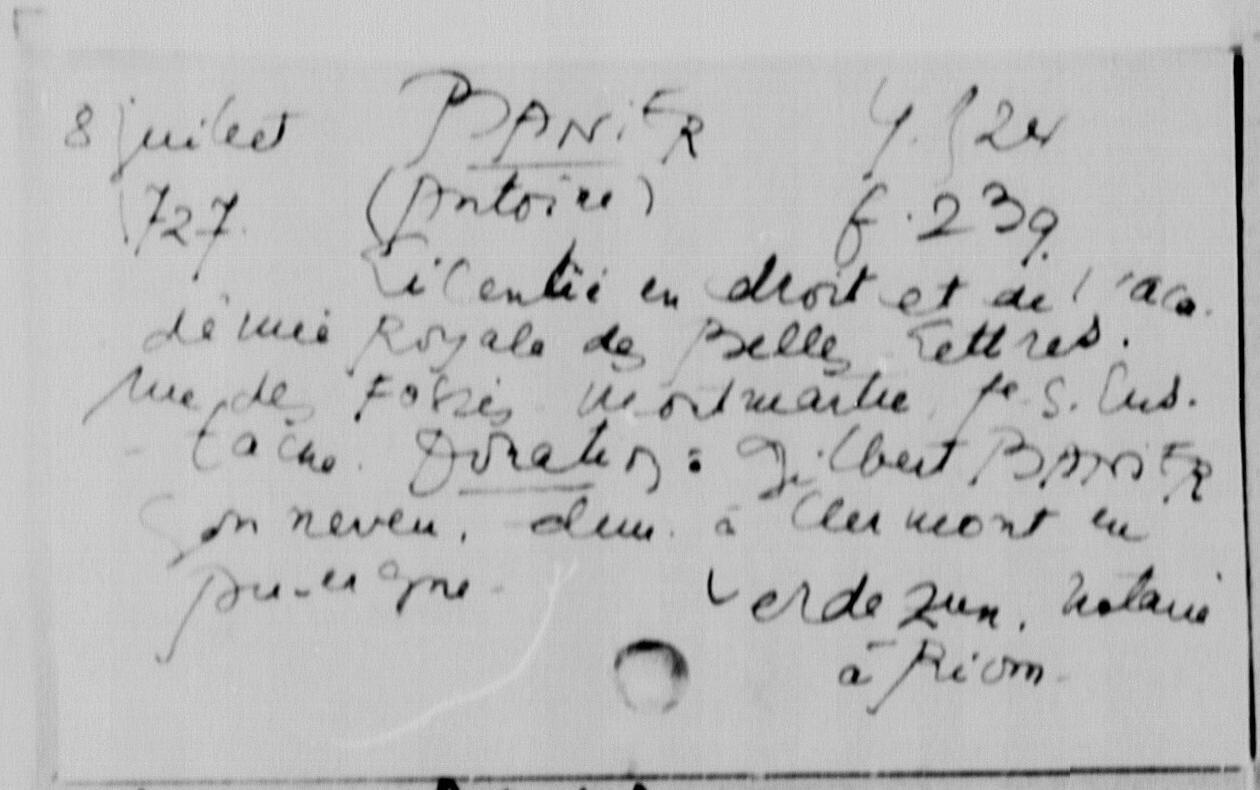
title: BANIER (Antoine)
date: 8 juillet 1727
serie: Y
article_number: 324
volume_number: folio 239
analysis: Licencié en droit et de l'académie royale des Belles Lettres, rue des Fossés Montmartre, paroisse Saint Eustache. Donation à Gilbert BANIER, son neveu, demeurant à Clermont en Auvergne. Verdezun, notaire à Riom
